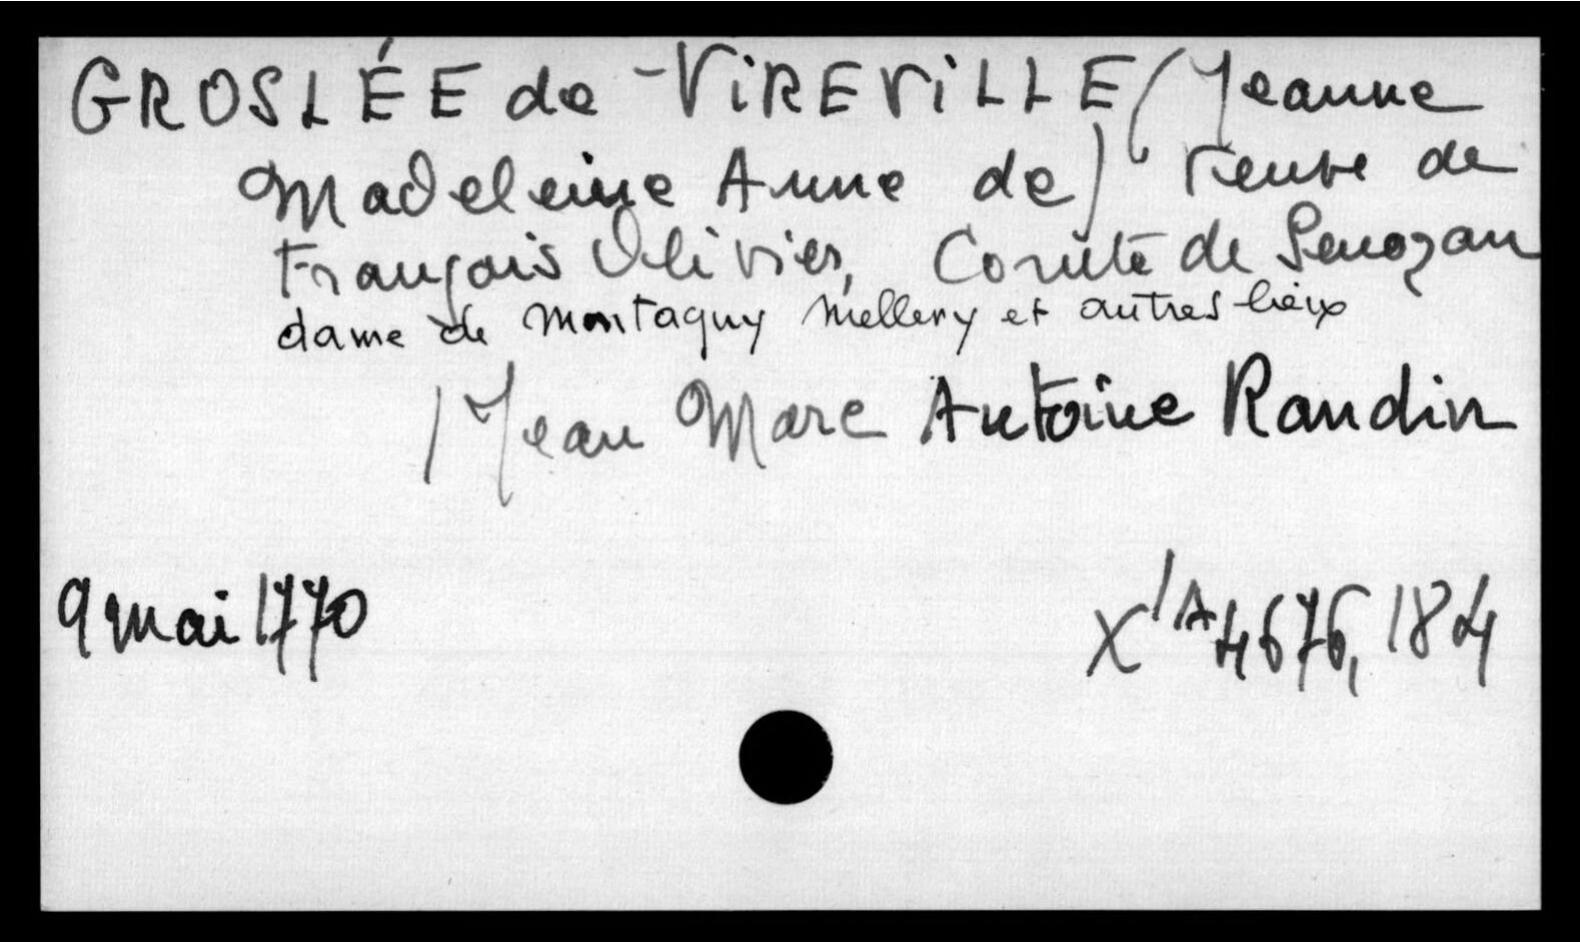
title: GROSLÉE de VIREVILLE (Jeanne Madeleine Anne de) veuve de François Olivier, comte de Senozan, dame de Montagny, Mellery et autres lieux
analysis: Contre Jean Marc Antoine Randin
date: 9 mai 1770
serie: X1A
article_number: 4676
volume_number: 184
